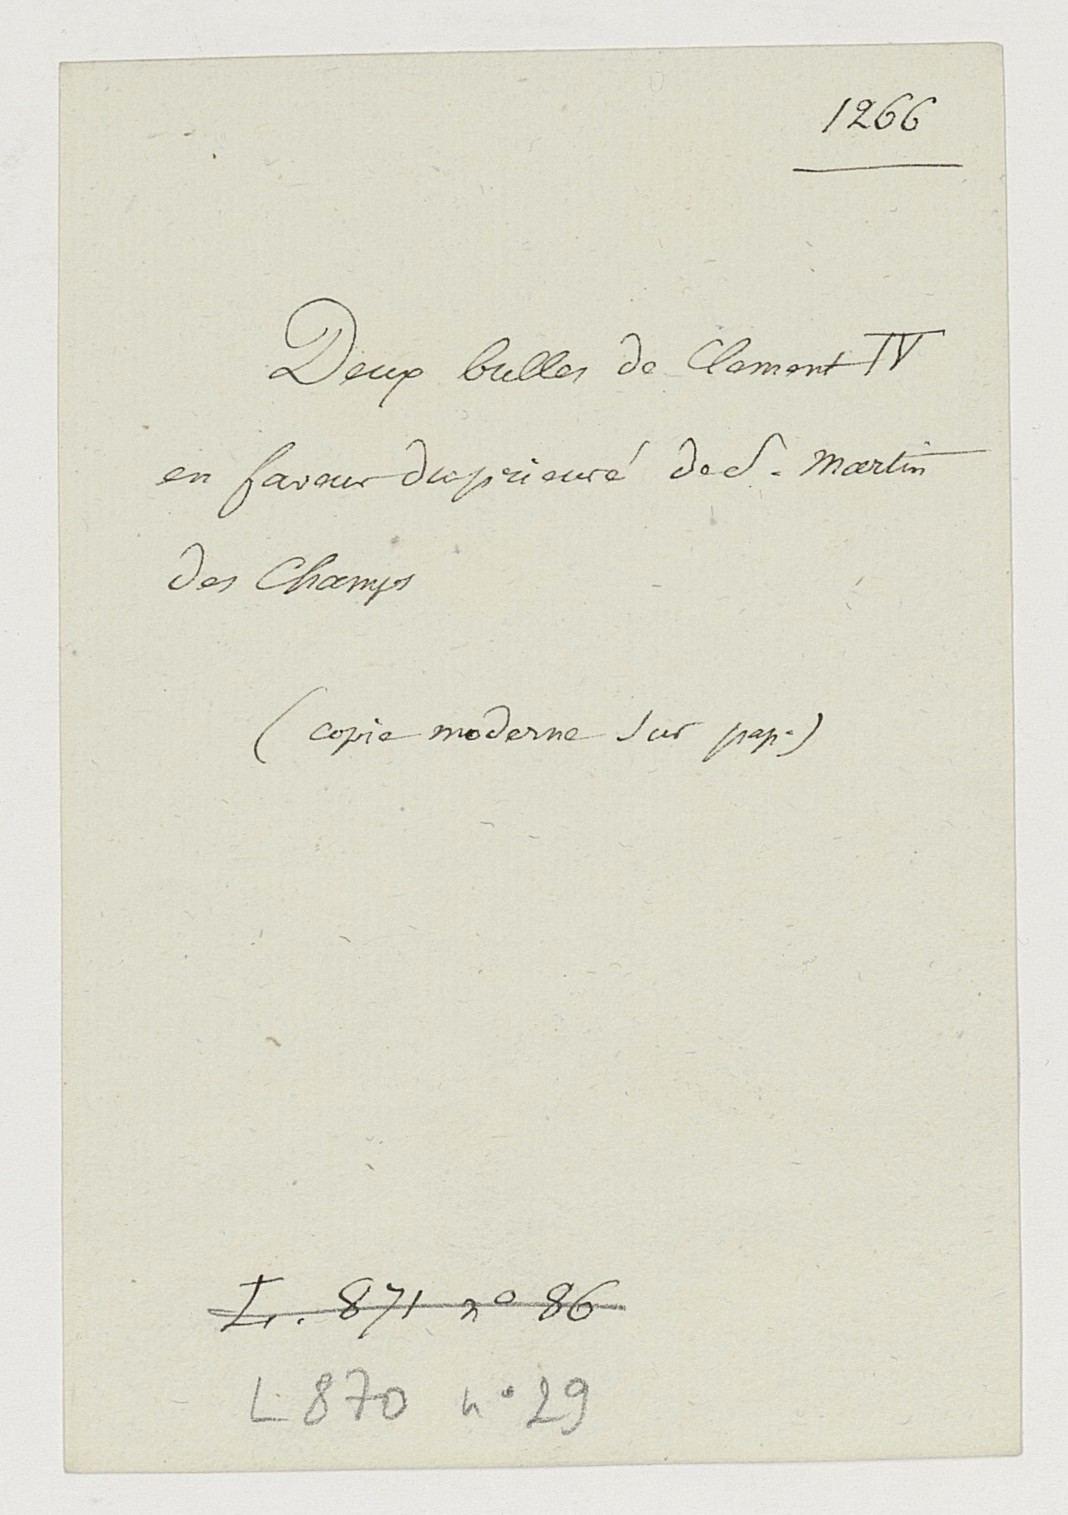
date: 1266
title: Deux bulles de Clément IV en faveur du prieuré de Saint-Martin des Champs
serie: L
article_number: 870
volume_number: n° 29
